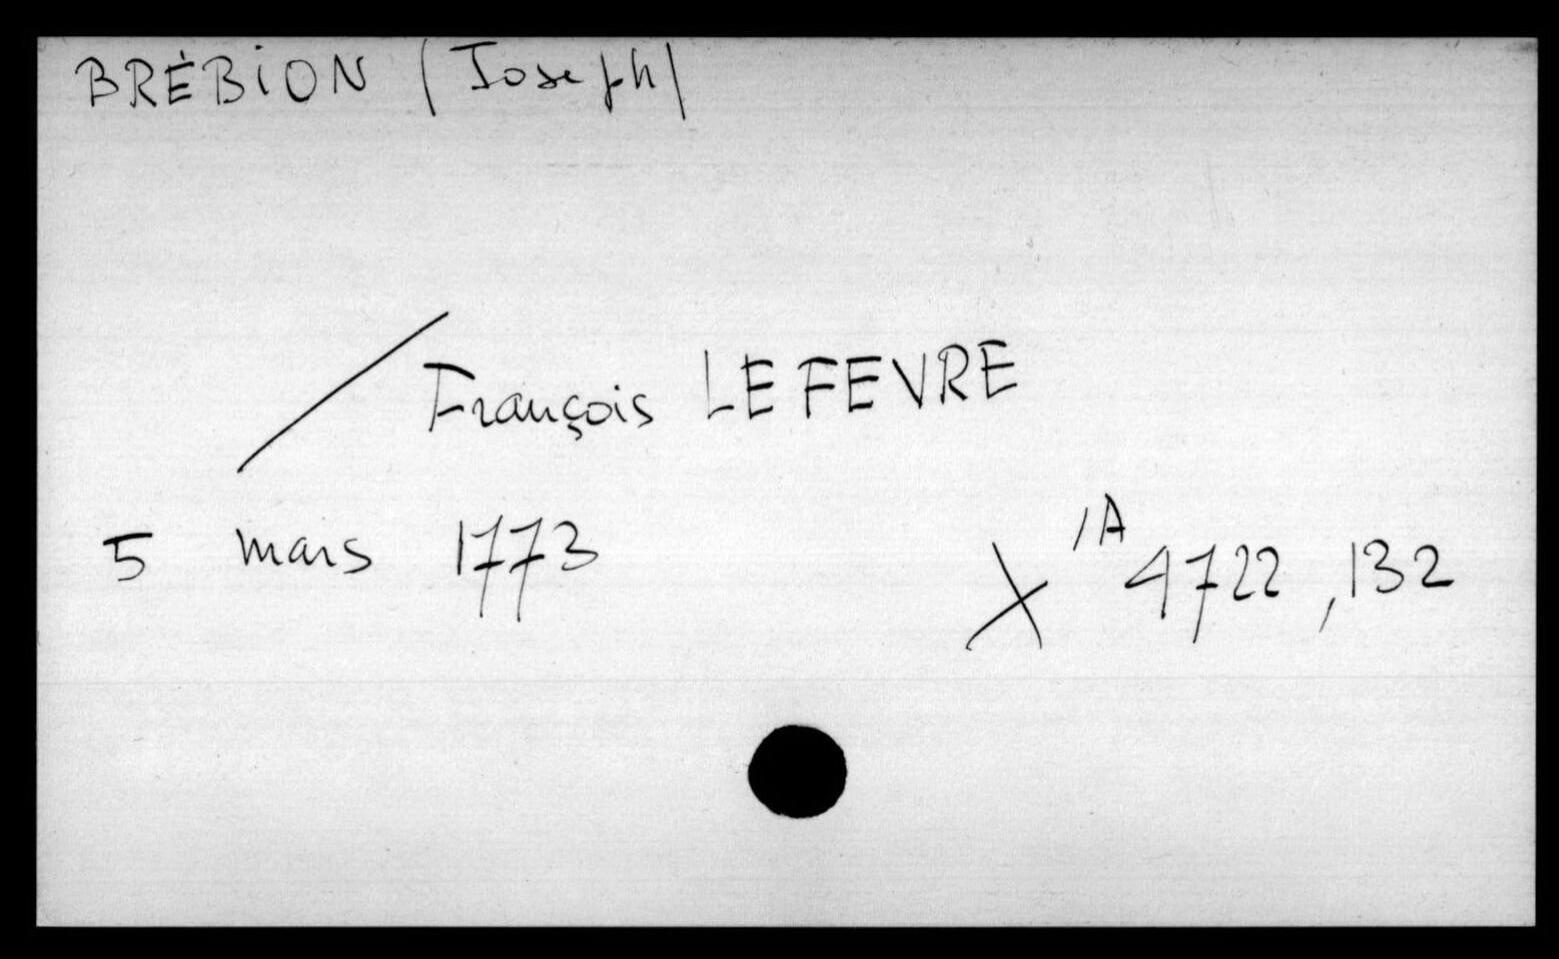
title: BRÉBION (Joseph)
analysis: Contre François LEFEVRE
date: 5 mars 1773
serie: X1A
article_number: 4722
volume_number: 132
